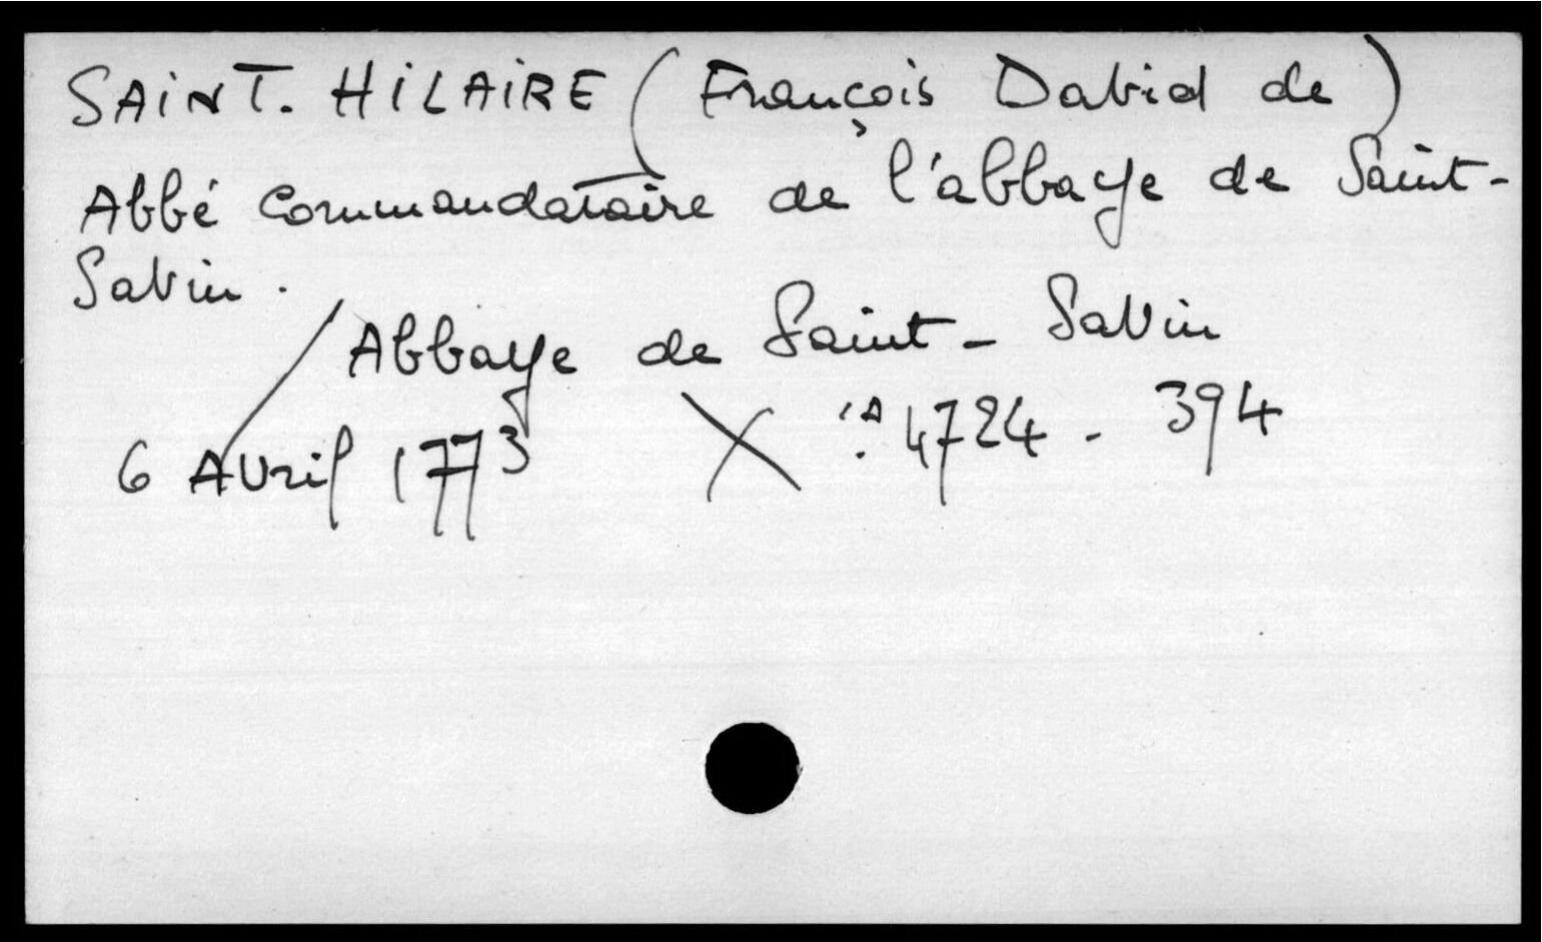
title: SAINT-HILAIRE (François David de) Abbé commandataire de l'abbaye de Saint-Savin.
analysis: Contre Abbaye de Saint-Savin
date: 6 avril 1773
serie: X1A
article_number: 4724
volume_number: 394
